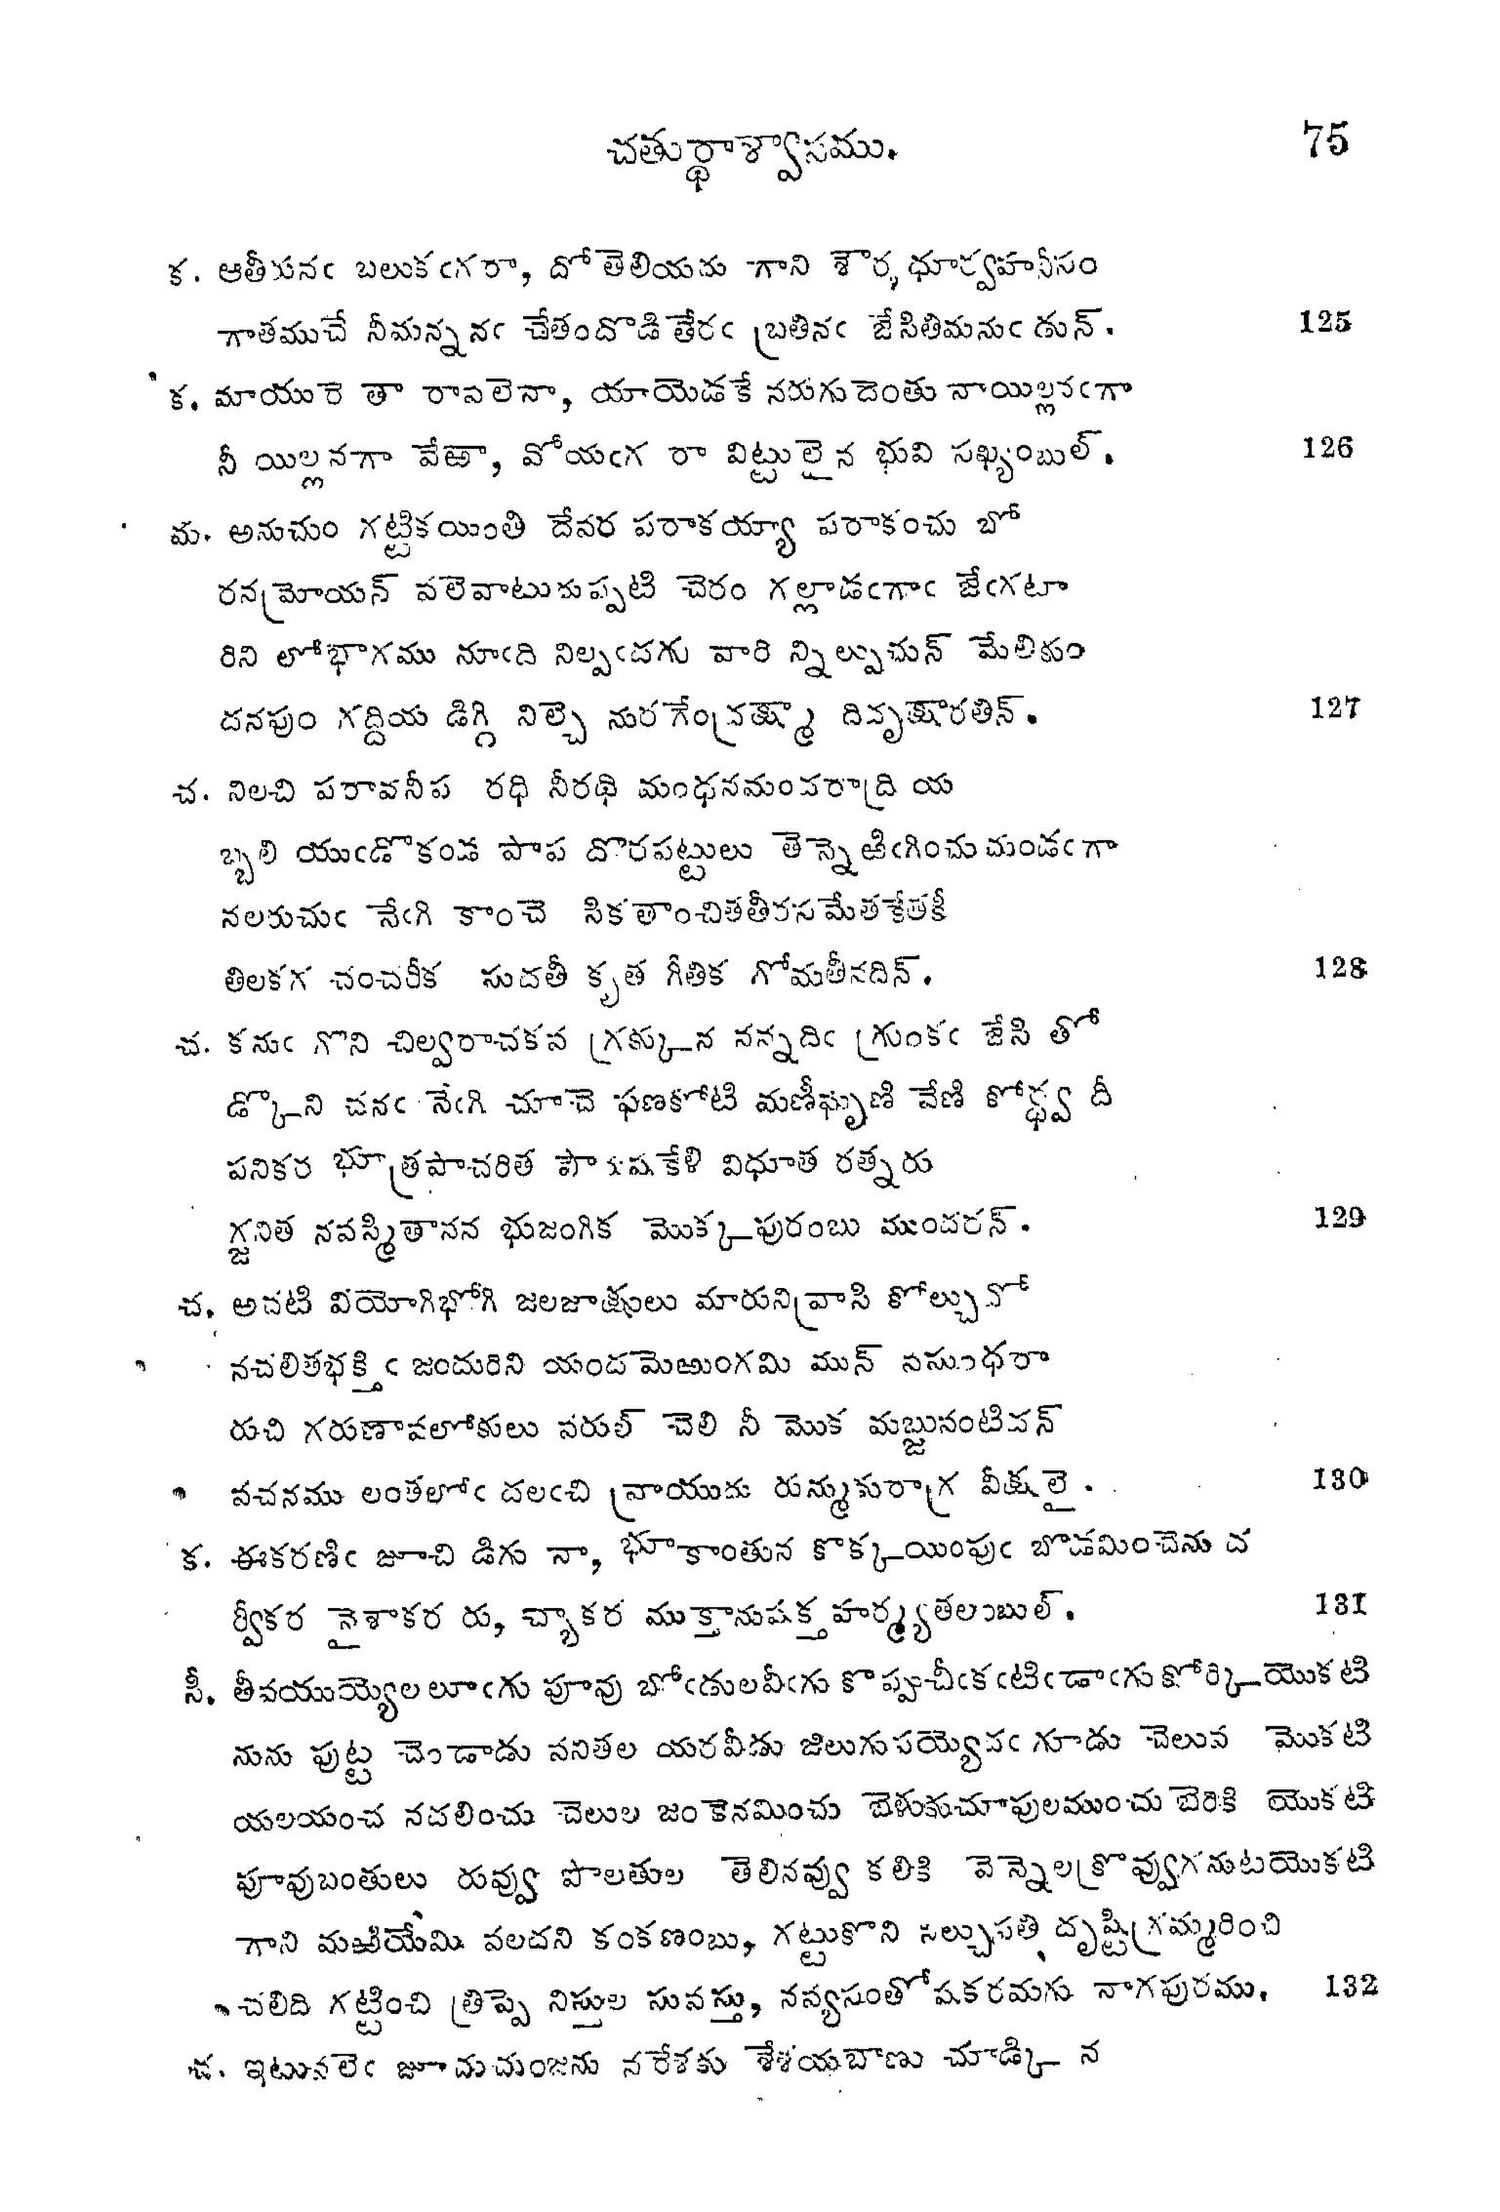క. ఆతీరునఁ బలుకఁగరా, దో తెలియదు గాని శౌర్యధూర్వహనీసం
గాతముచే నీమన్ననఁ చేతం దొడితేరఁ బ్రతినఁ జేసితిమనుఁడున్.
క. మాయురె తా రావలెనా, యాయెడకే నరుగుదెంతు నాయిల్లనఁగా
నీయిల్లనఁగా వేఱా, వోయఁగ రా విట్టు లైన భువి సఖ్యంబుల్.
మ. అనుచుం గట్టికయింతి దేవర పరాకయ్యా పరాకంచు బో
రన మ్రోయన్ వలెవాటుదుప్పటిచెరం గల్లాడఁగాఁ జేఁగటా
రిని లోభాగము నూఁది నిల్పఁదగు వారి న్నిల్పుచున్ మేలికుం
దనపుంగద్దియ డిగ్గి నిల్చె నురగేంద్రక్ష్మా దిదృక్షారతిన్.
చ. నిలచి పరావనీప రథి నీరధి మంథనమందరాద్రి య
బ్బలియుఁడొకండ పాప దొరపట్టులు తెన్నెఱిఁగించుచుండఁ గా
నలరుచుఁ నేఁగి కాంచె సికతాంచితతీరసమేతకేతకీ
తిలకగచంచరీకసుదతీకృతగీతిక గోమతీనదిన్.
చ. కనుఁగొని చిల్వరాచకవ గ్రక్కున నన్నదిఁ గ్రుంకఁ జేసి తో
డ్కొని చనఁ నేఁగి చూచె ఫణకోటిమణీఘృణివేణికోర్ధ్వదీ
పనికరభూత్రపాచరితపౌరుషకేళివిధూతరత్నరు
గ్జనితనవస్మితాననభుజంగిక మొక్కపురంబు ముందరన్.
చ. అచటి వియోగిభోగి జలజాక్షులు మారుని వ్రాసి కొల్చుచో
నచలితభక్తిఁ జందురిని యంద మెఱుంగమి మున్ వసుంధరా
రుచి గరుణావలోకులు నరుల్ చెలి నీ మొక మబ్జువంటిదన్
వచనము లంతలోఁ దలఁచి వ్రాయుదు రున్ముకురాగ్రవీక్షలై.
క. ఈకరణిఁ జూచి డిగు నా, భూకాంతున కొక్కయింపుఁ బొడమించెను ద
ర్వీకర వైశాకర రు, చ్యాకర ముక్తానుషక్తహర్మ్యతలంబుల్.
సీ. తీవయుయ్యెల లూఁగు పూవుఁబోఁడులవీఁగు కొప్పుచీఁకఁటిఁ డాఁగు కోర్కి యొకటి
నునుపుట్ట చెండాడు వనితల యరవీడు జిలుగుపయ్యెదఁగూడు చెలువ మొకటి
యలయంచ నదలించు చెలుల జంకెనమించు బెళుకుచూపులముంచు బెరికి యొకటి
పూవుబంతులు రువ్వు పొలతుల తెలినవ్వు కలికివెన్నెలక్రొవ్వు గనుట యొకటి
గాని మఱి యేమి వలదని కంకణంబు, గట్టుకొని నిల్చుపతిదృష్టి గ్రమ్మరించి
చలిది గట్టించి త్రిప్పె నిస్తుల సువస్తు, నన్యసంతోషకరమగు నాగపురము.
చ. ఇటువలెఁ జూచుచుం జను నరేశకుశేశయబాణుచూడ్కి న